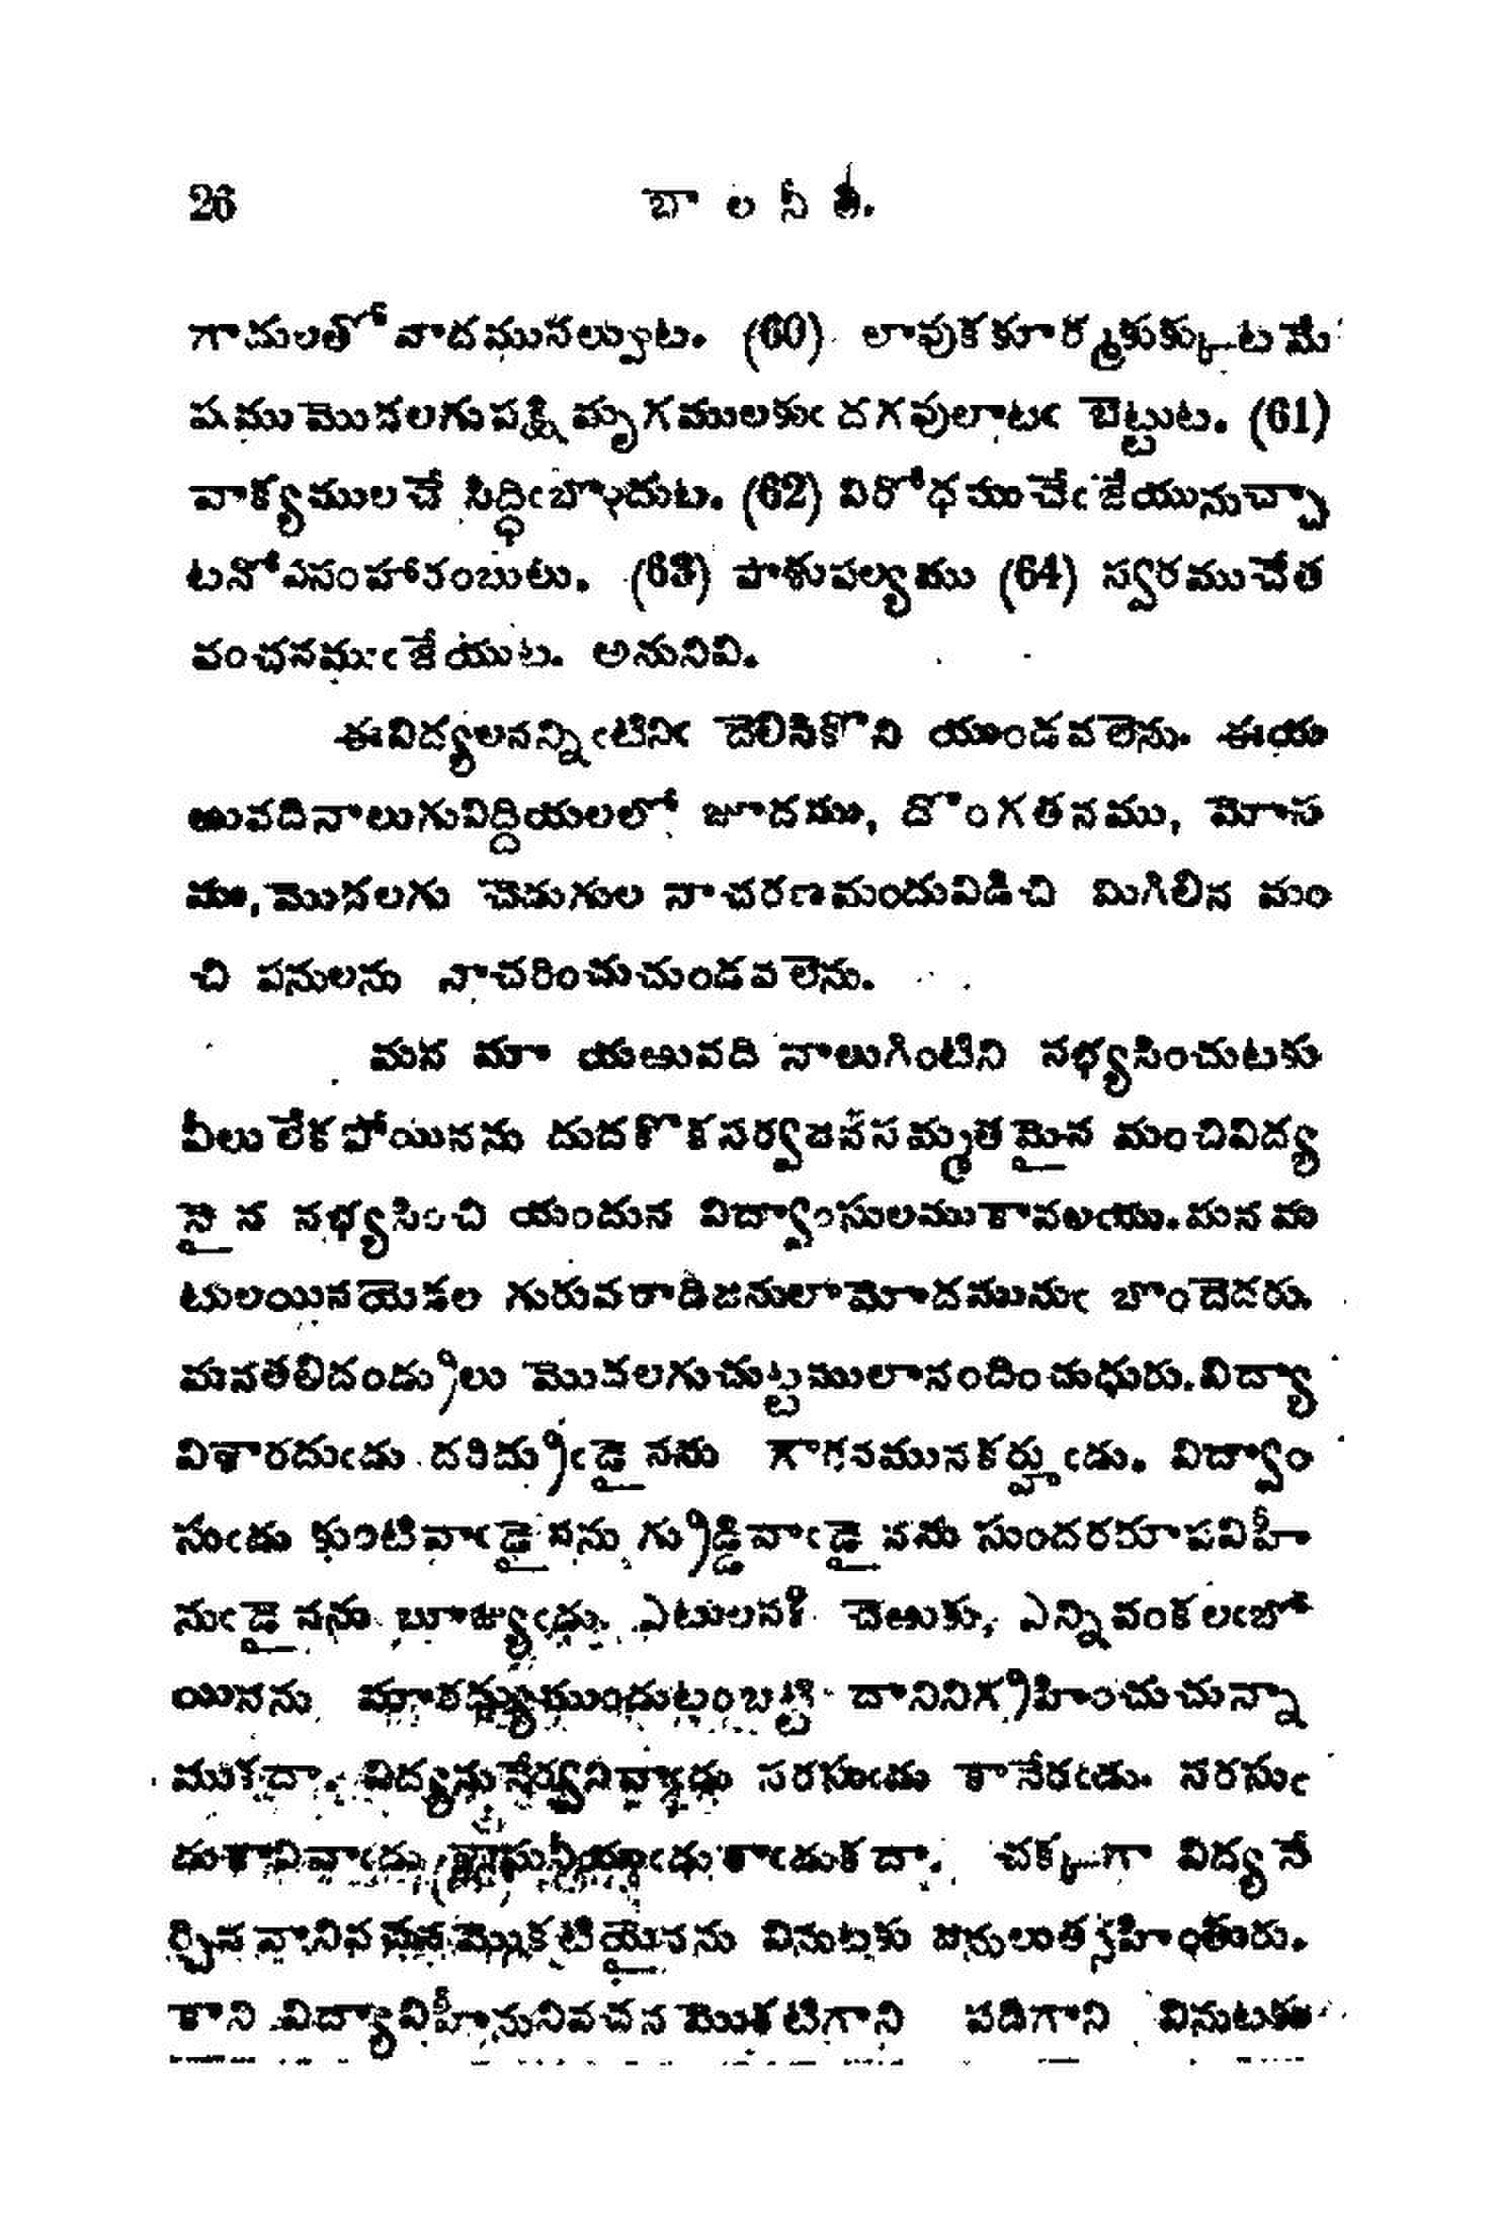గాదులతో వాదముసల్పుట. (60) లావుకకూర్మకుక్కుటమే
షముమొదలగుపక్షిమృగములకుఁ దగవులాటఁ బెట్టుట. (61)
వాక్యములచే సిద్దిఁబొందుట. (62) విరోధముచేఁజేయునుచ్చా
టనోపసంహారంబులు. (63) పాశుపల్యము (64) స్వరముచేత
వంచనముఁజేయుట. అనునివి.

ఈవిద్యలన్నిఁటినిఁ దెలిసికొని యుండవలెను. ఈయ
ఱువదినాలుగువిద్దియలలో జూదము, దొంగతనము, మోస
ము, మొదలగు చెడుగుల నాచరణమందువిడిచి మిగిలిన మం
చి పనులను నాచరించుచుండవలెను.

మన మా యఱువది నాలుగింటిని నభ్యసించుటకు 
వీలులేకపోయినను దుదకొక సర్వజన సమ్మతమైన మంచివిద్య
నైన నభ్యసించి యందున విద్వాంసులముకావలయు. మనమ
టులయినయెడల గురువరాదిజనులామోదమునుఁ బొందెదరు. 
మనతలిదండ్రులు మొదలగుచుట్టములానందించుధురు. విద్యా
విశారదుఁడు దరిద్రుఁడైనను గౌరవమునకర్హుఁడు. విద్వాం
సుఁడు కుంటివాఁడైనను, గ్రుడ్డివాఁడైనను సుందరరూపవిహీ
నుఁడైనను బూజ్యుఁడు. ఎటులన? చెఱుకు, ఎన్నివంకలఁబో
యినను మాధుర్యముండుటంబట్టి దానినిగ్రహించుచున్నా
ముకదా. విద్యనునేర్వనివాఁడు సరసుఁడు కానేరఁడు. సరసుఁ
డుకానివాఁడు శ్లాఘనీయుఁడుకాఁడుకదా. చక్కగా విద్యనే
ర్చినవానివచనమొకటియైనను వినుటకు జనులుత్సహింతురు. 
కాని విద్యావిహీనునివచన మొకటిగాని పదిగాని వినుటకు